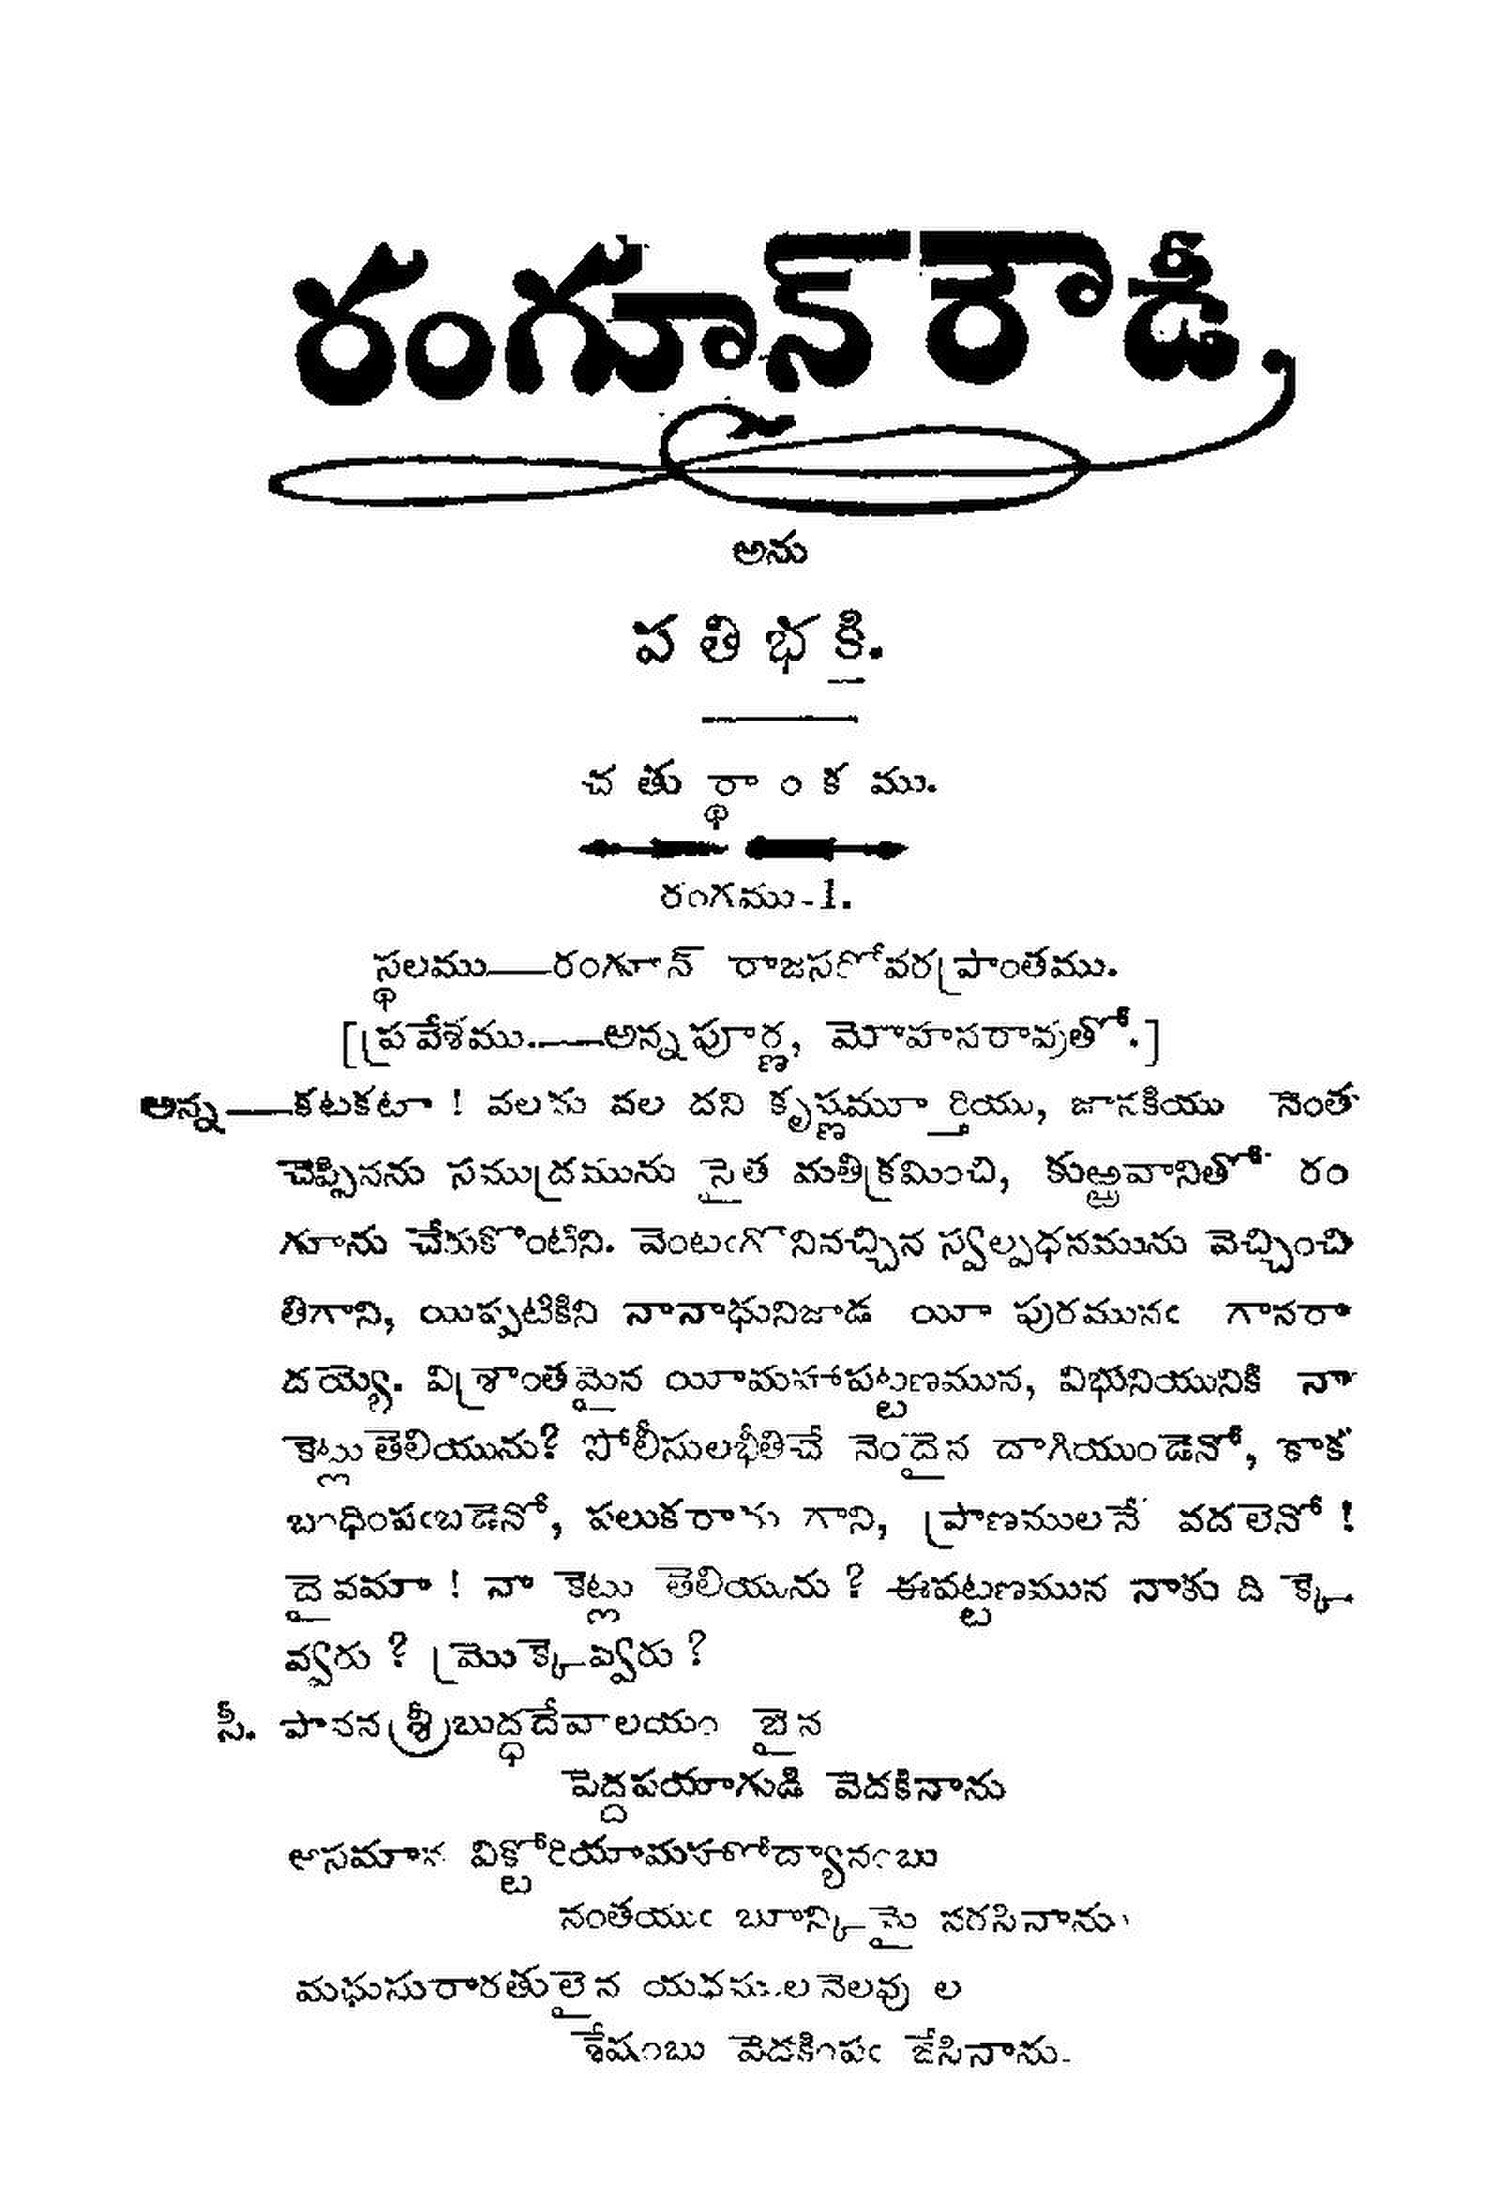రంగూన్ రౌడీ

పతిభక్తి.

అన్న - కటకటా ! వలదు వల దని కృష్ణమూర్తియు, జానకియు నెంతచెప్పినను సముద్రమును సైత మతిక్రమించి, కుఱ్ఱవానితో రంగూను చేరుకొంటిని. వెంటఁగొనివచ్చిన స్వల్పధనమును వెచ్చించితిగాని, యిప్పటికిని నానాధునిజాడ యీ పురమునఁ గానరాదయ్యె. విశ్రాంతమైన యీమహాపట్టణమున, విభునియునికి నా కెట్లుతెలియును? పోలీసులభీతిచే నెందైన దాగియుండెనో, కాక బంధింపఁబడెనో, పలుకరాదు గాని, ప్రాణములనే వదలెనో ! దైవమా ! నా కెట్లు తెలియును ? ఈపట్టణమున నాకు దిక్కెవ్వరు? మ్రొక్కెవ్వరు ?

సీ. పావన శ్రీబుద్ధదేవాలయం బైన
 పెద్దపయాగుడి వెదకినాను
 అసమాన విక్టోరియామహోద్యానంబు
 నంతయుఁ బూన్కిమై నరసినాను
 మధుసురారతులైన యధముల నెలవు ల
 శేషంబు వెదకింపఁ జేసినాను.